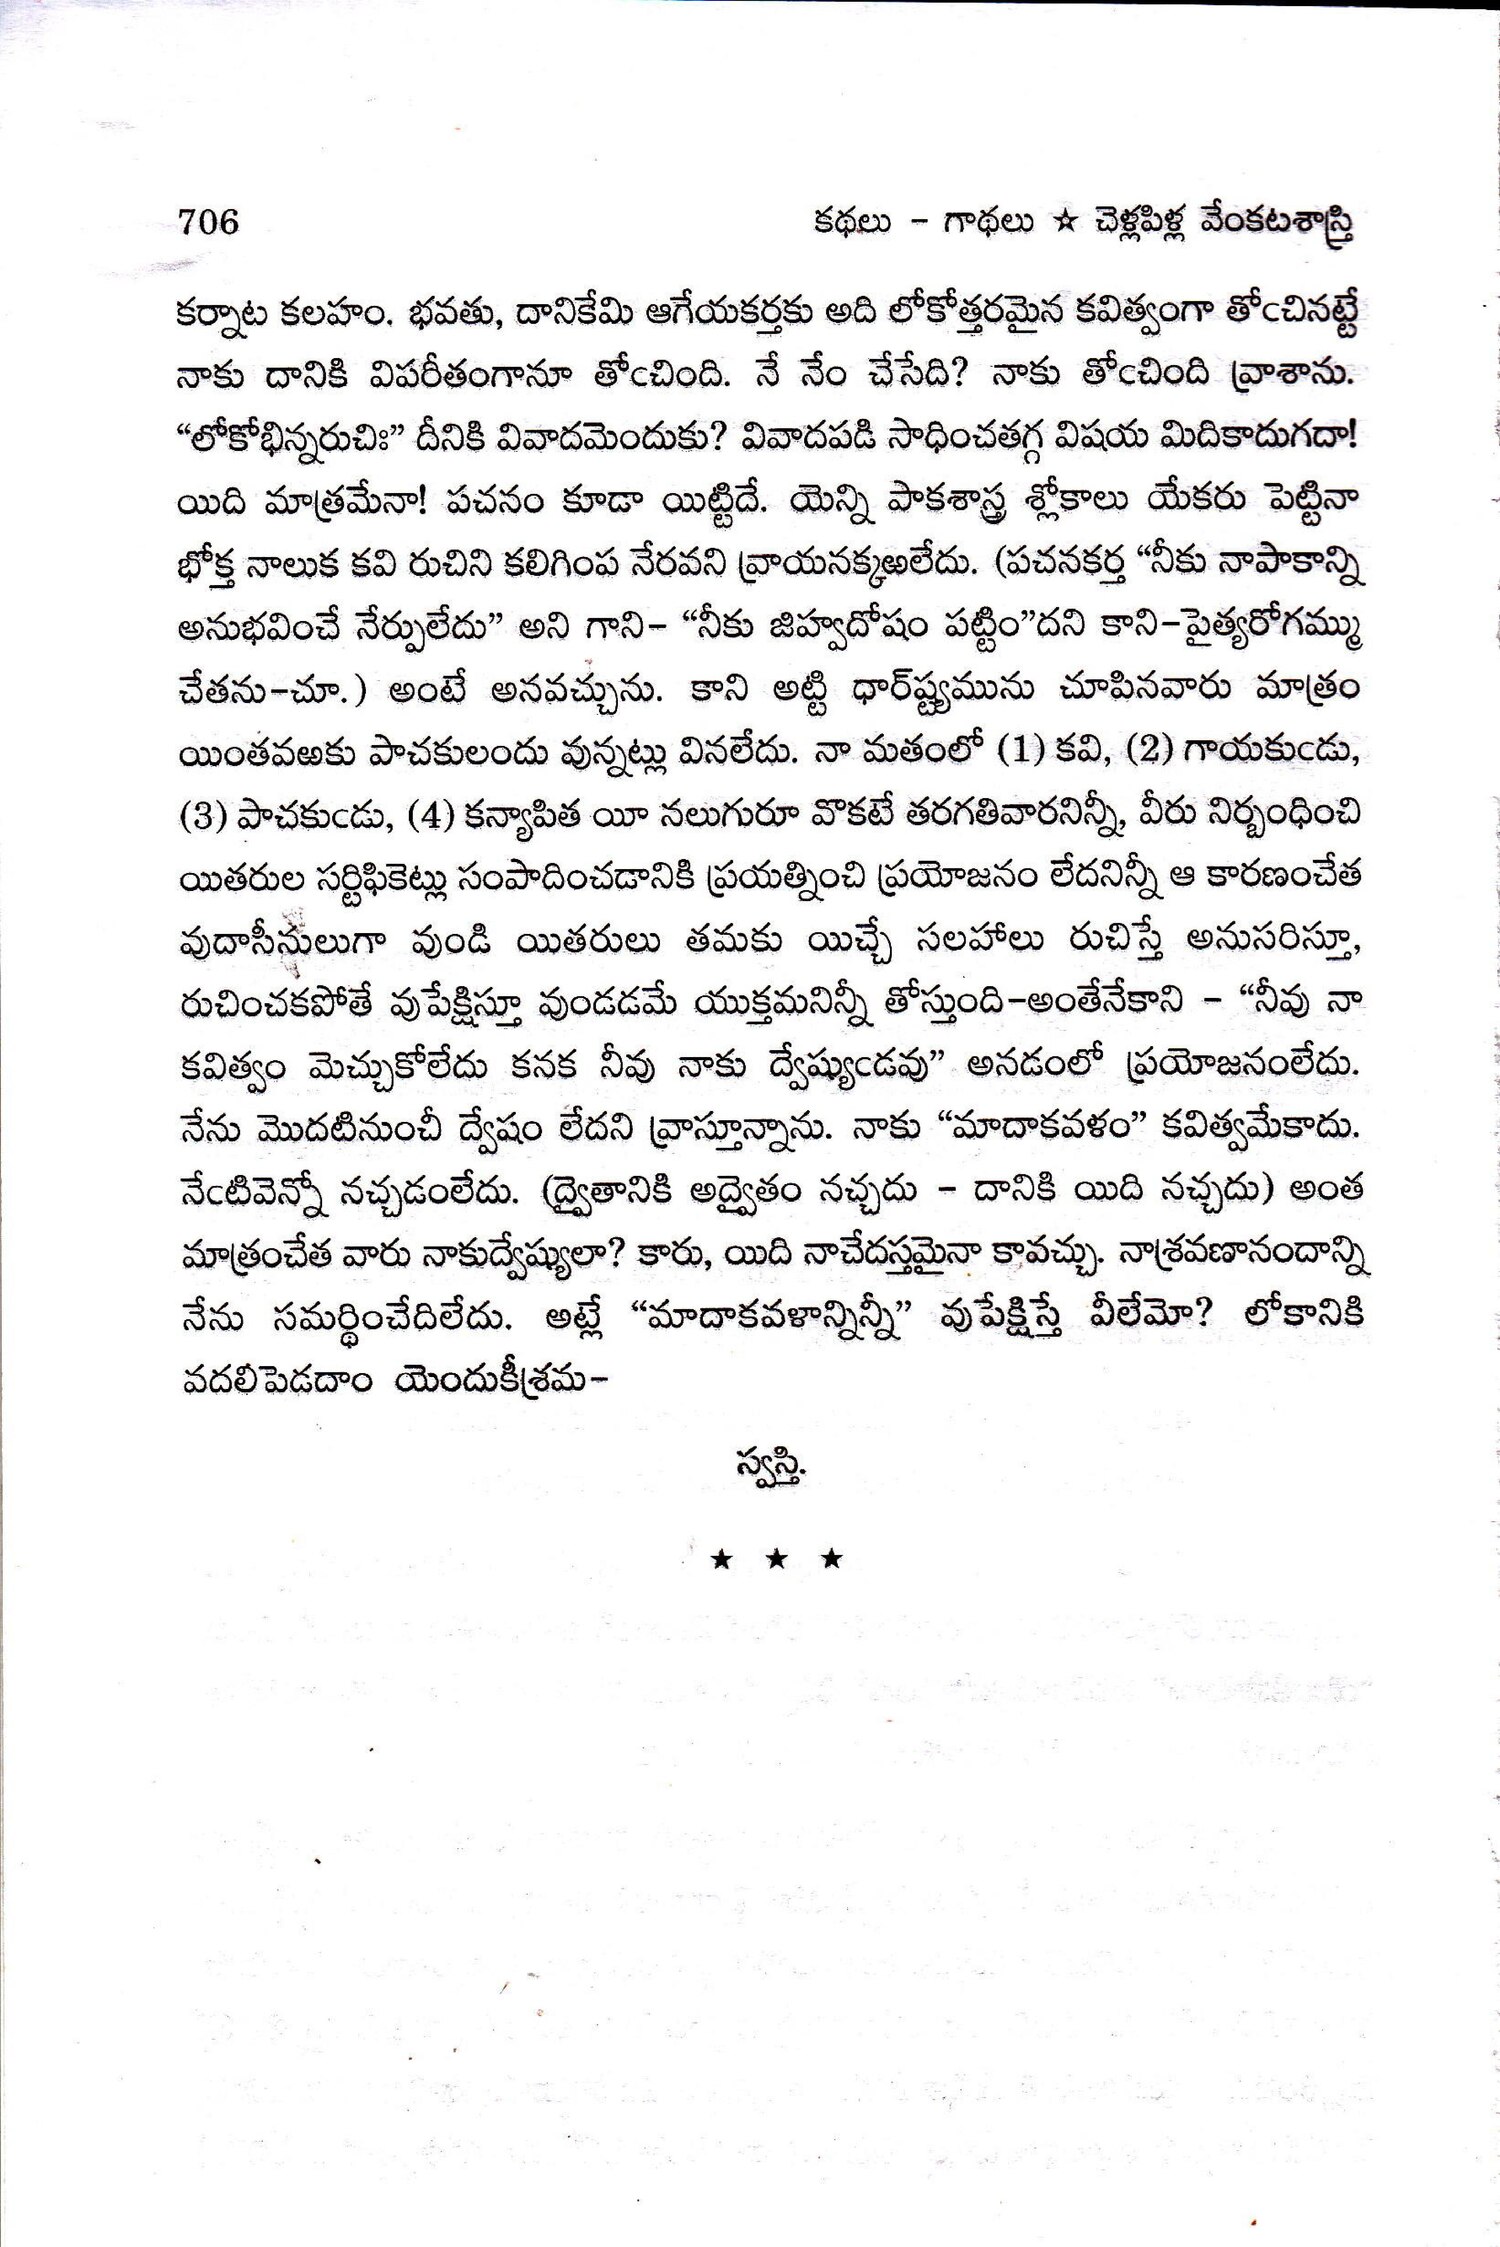కర్నాట కలహం. భవతు, దానికేమి ఆగేయకర్తకు అది లోకోత్తరమైన కవిత్వంగా తోఁచినట్టే నాకు దానికి విపరీతంగానూ తోఁచింది. నే నేం చేసేది? నాకు తోఁచింది వ్రాశాను. "లోకోభిన్నరుచిః" దీనికి వివాదమెందుకు? వివాదపడి సాధించతగ్గ విషయ మిదికాదుగదా! యిది మాత్రమేనా! పచనం కూడా యిట్టిదే. యెన్ని పాకశాస్త్ర శ్లోకాలు యేకరు పెట్టినా భోక్త నాలుక కవి రుచిని కలిగింప నేరవని వ్రాయనక్కఱలేదు. (పచనకర్త "నీకు నాపాకాన్ని అనుభవించే నేర్పులేదు" అని గాని- "నీకు జిహ్వదోషం పట్టిం"దని కాని-పైత్యరోగమ్ము చేతను-చూ.) అంటే అనవచ్చును. కాని అట్టి ధార్‌ష్ట్యమును చూపినవారు మాత్రం యింతవఱకు పాచకులందు వున్నట్లు వినలేదు. నా మతంలో (1) కవి, (2) గాయకుఁడు, (3) పాచకుఁడు, (4) కన్యాపిత యీ నలుగురూ వొకటే తరగతివారనిన్నీ వీరు నిర్బంధించి యితరుల సర్టిఫికెట్లు సంపాదించడానికి ప్రయత్నించి ప్రయోజనం లేదనిన్నీఆ కారణంచేత వుదాసీనులుగా వుండి యితరులు తమకు యిచ్చే సలహాలు రుచిస్తే అనుసరిస్తూ, రుచించకపోతే వుపేక్షిస్తూ వుండడమే యుక్తమనిన్నీ తోస్తుంది-అంతేనేకాని - "నీవు నా కవిత్వం మెచ్చుకోలేదు కనక నీవు నాకు ద్వేష్యుఁడవు" అనడంలో ప్రయోజనంలేదు. నేను మొదటినుంచీ ద్వేషం లేదని వ్రాస్తూన్నాను. నాకు "మాదాకవళం" కవిత్వమేకాదు. నేఁటివెన్నో నచ్చడంలేదు. (ద్వైతానికి అద్వైతం నచ్చదు - దానికి యిది నచ్చదు) అంత మాత్రంచేత వారు నాకుద్వేష్యులా? కారు, యిది నాచేదస్తమైనా కావచ్చు. నాశ్రవణానందాన్ని నేను సమర్థించేదిలేదు. అట్లే “మాదాకవళాన్నిన్నీ" వుపేక్షిస్తే వీలేమో? లోకానికి వదలిపెడదాం యెందుకీశ్రమ-

స్వస్తి.